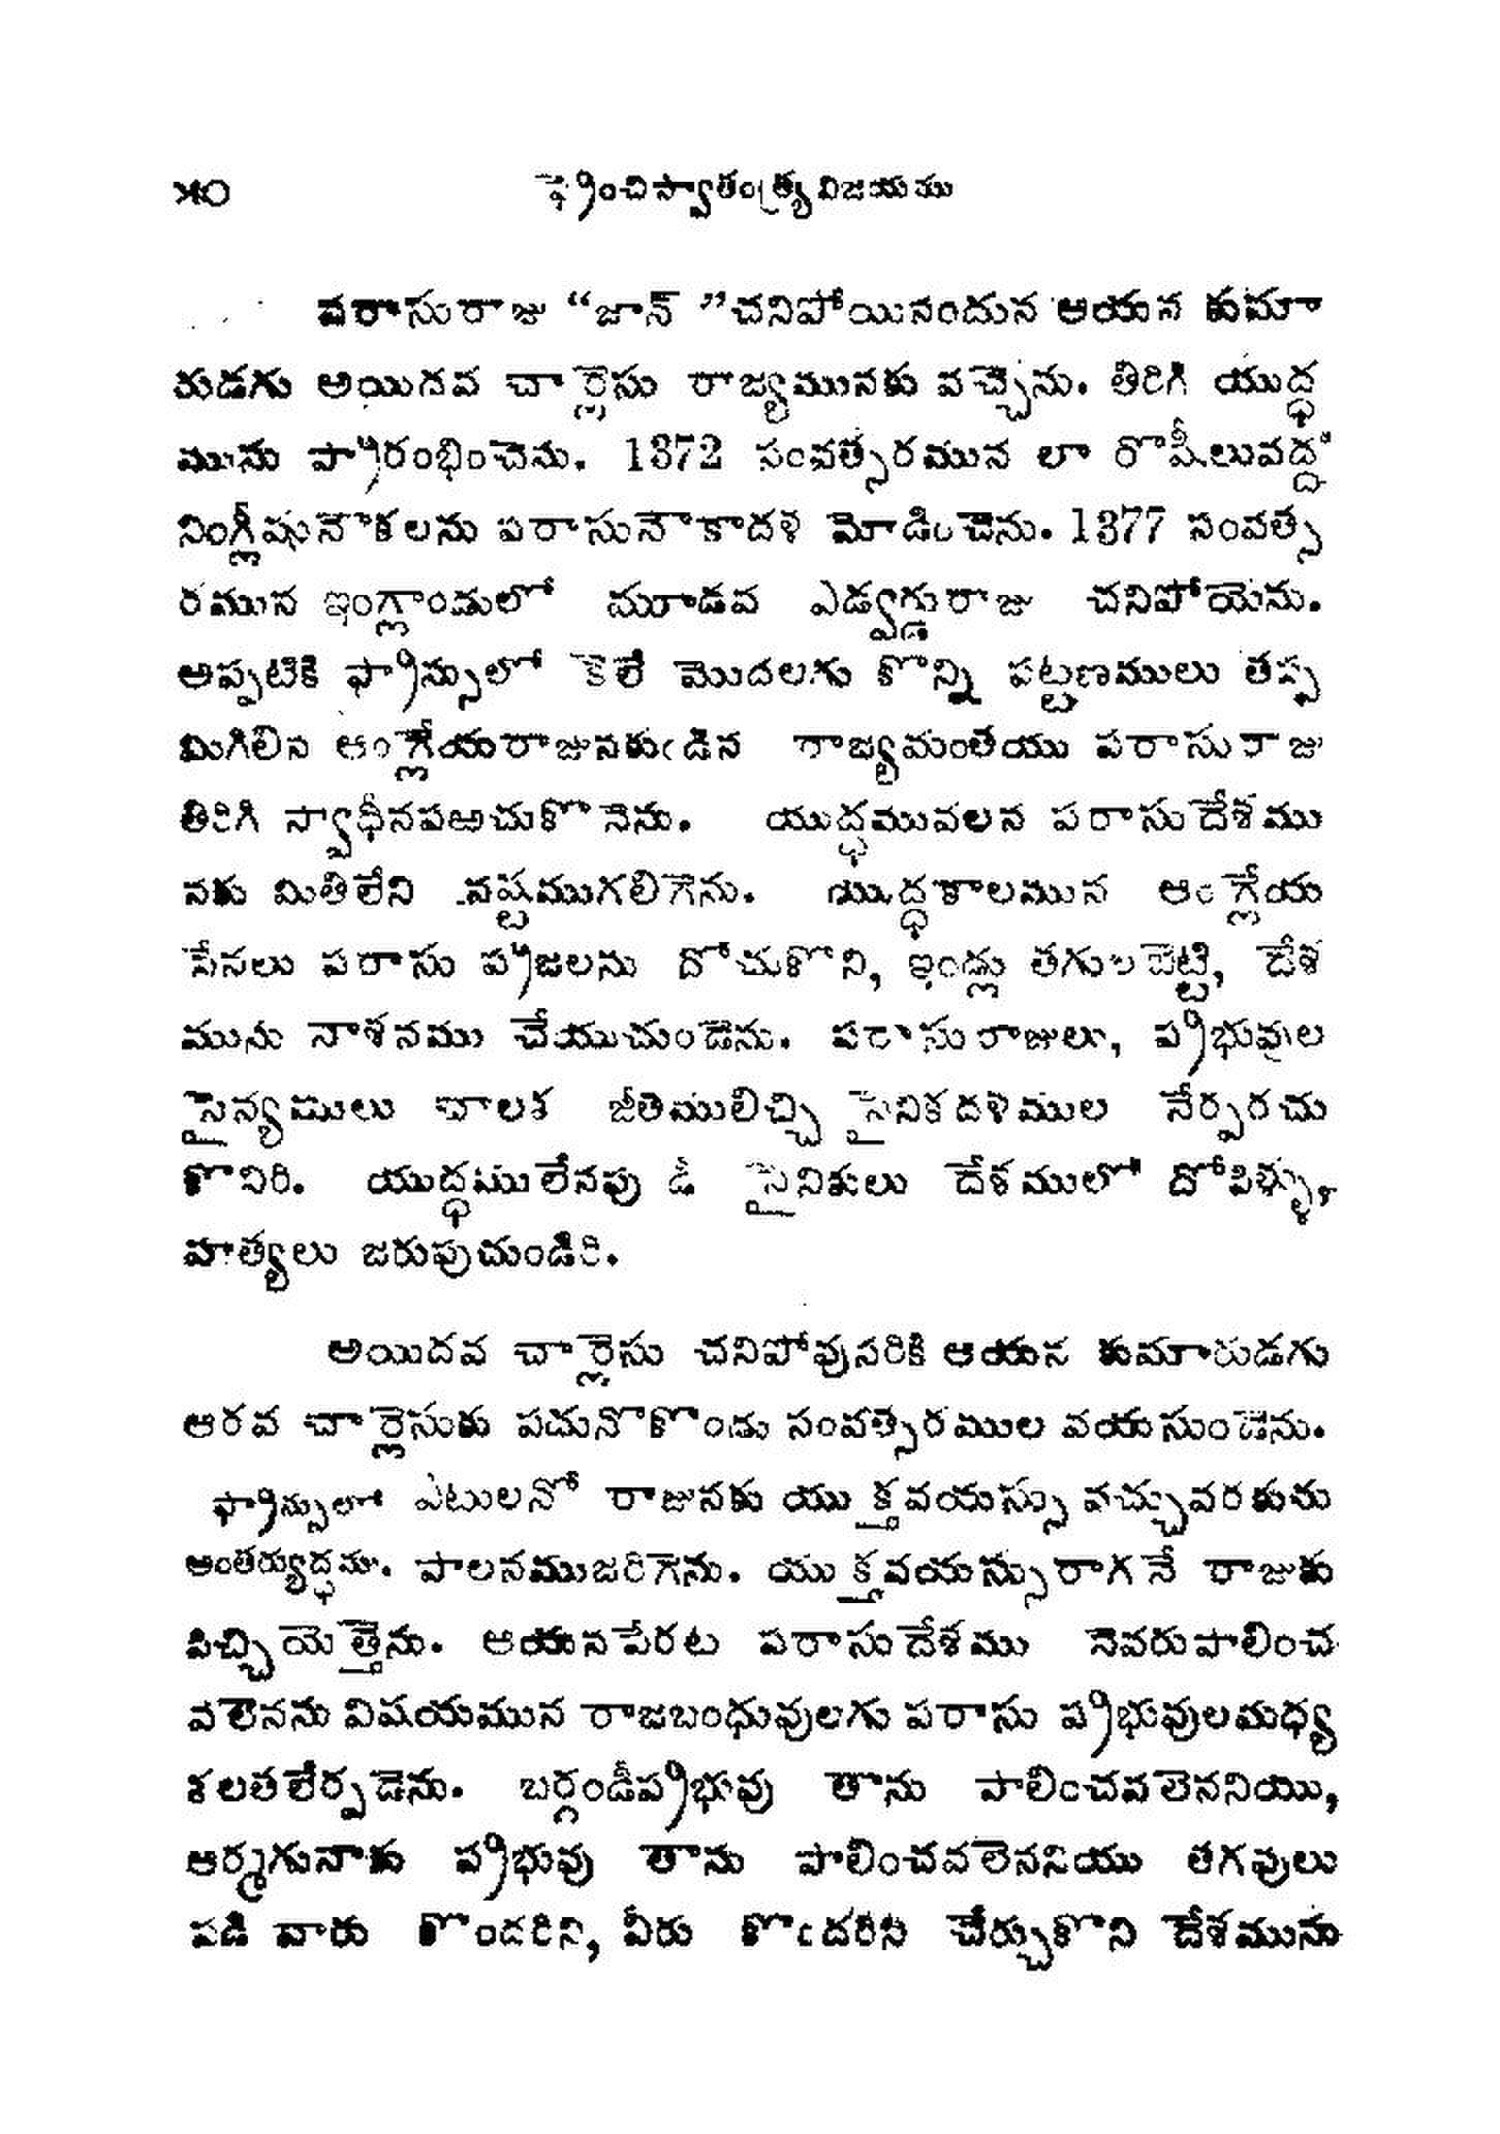వరాసురాజు “జాన్ " చనిపోయినందున ఆయన కుమా
మడగు అయిదవ చార్లెసు రాజ్యమునకు వచ్చెను. తిరిగి యుద్ధ
మును ప్రారంభించెను. 1372 సంవత్సరమున లా రొషీలు వద్ద
నింగ్లీషు నౌకలను పరాసునౌకాదళ మోడించెను. 1377 సంవత్స
రమున ఇంగ్లాండులో మూడవ ఎడ్వర్డు రాజు చనిపోయెను.
అప్పటికి ఫాస్సులో కెలే మొదలగు కొన్ని పట్టణములు తప్ప
మిగిలిన ఆంగ్లేయ రాజునకుఁడిన రాజ్యమంతయు పరాసురాజు
తిరిగి స్వాధీన పఱచుకొనెను. యుద్ధమువలన పరాసు దేశము
నకు మితి లేని నష్టముగలిగెను. యుద్ధకాలమున ఆంగ్లేయ
'సేసలు పరాసు ప్రజలను దోచుకొని, ఇండ్లు తగుల పెట్టి, దేశ
మును నాశనము చేయుచుండెను. పరాసు రాజులు, ప్రభువుల
సైన్యములు చాలక జీలిము లిచ్చి సైనిక దళముల నేర్పరచు
కొనిరి. యుద్ధము లేనపు డీ సైనికులు దేశములో దోపిళ్ళు,
హత్యలు జరుపుచుండిరి.

ఫ్రాన్సులో
అంతర్యుద్ధము. 
అయిదవ చార్లెసు చనిపోవుసరికి ఆయన కుమారుడగు
ఆరవచార్లెసురు పదునొకొండు సంవత్సరముల వయసుండెను.
ఎటులనో రాజునకు యుక్తవయస్సు వచ్చువరకును
పాలనముజరిగెను. యుక్తవయస్సు రాగ నే రాజుకు
పిచ్చి యెత్తెను. ఆయన పేరట పరాసు దేశము నెవరు పాలించ
వలెనసు విషయమున రాజబంధువులగు పరాసు ప్రభువుల మధ్య
కలత లేర్పడెను. బర్గండీ ప్రభువు తాను పాలించప లెననియు,
ఆర్మగునాకు ప్రభువు తాను పొలించవ లెననియు తగవులు
పడి వారు కొందరిని, వీరు కొందరినీ చేర్చుకొని దేశమును